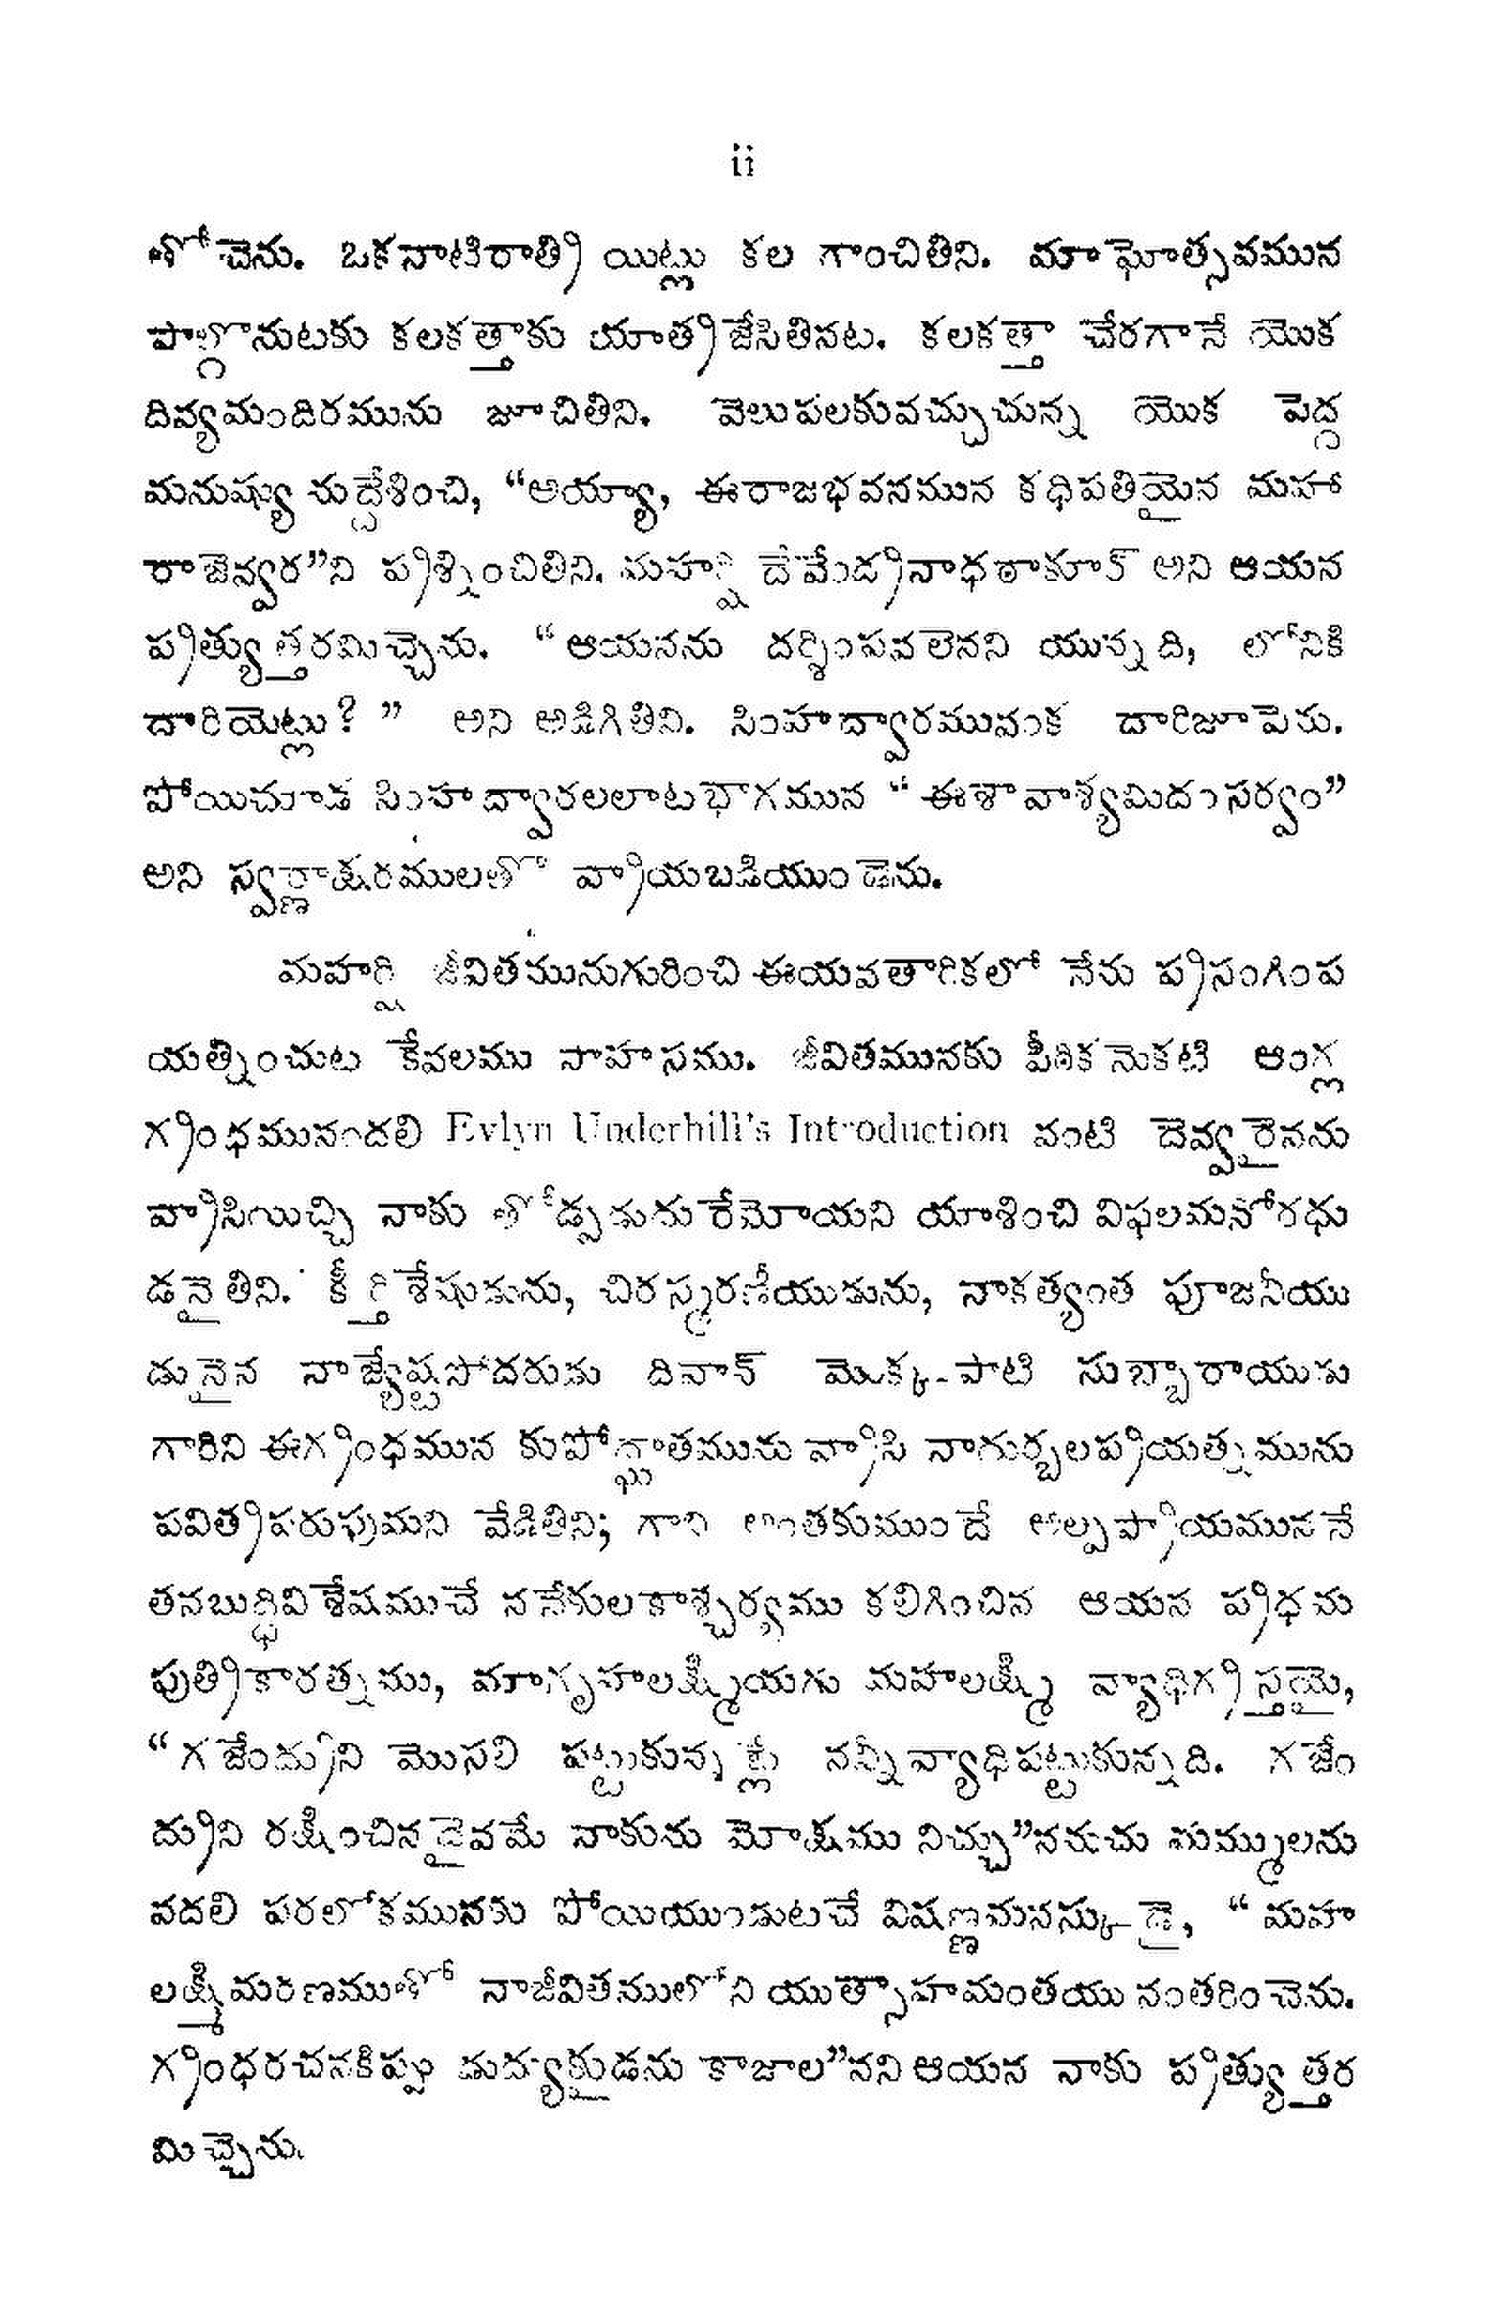తోచెను. ఒకనాటిరాత్రి యిట్లు కల గాంచితిని. మా ఘోత్సవమున పాల్గొనుటకు కలకత్తాకు దూత జేసి తినట. కలకత్తా చేరగానే యొక దివ్యమందిరమును జూచితిని. 'వెలుపలకువచ్చుచున్న యొక పెద్ద మనుష్య నుద్దేశించి, “అయ్యా, ఈ రాజభవనమున కధిపతియైన మహా రా ఔన్వర”ని ప్రశ్నించితిని, మహ: దే మేడనాధఠాకూర్ అని ఆయన ప్రత్యుత్తరమిచ్చెను. “ ఆయనను దర్శింపవలెనని యున్నది, లోనికి దారియెట్లు ? " అని అడిగితిని. సింహ ద్వారమువక దారిజూపెను, పోయిచూడ సి)హ ద్వారలలాట భాగమున " ఈశావాశ్యమిదంసర్వం” అని స్వర్ణాక్షరములలో వాయబడి యుండెను.

మహనీ జీవితమును గురించి ఈయవ తారికలో నేను ప్రసంగింప యత్నించుట కేవలము సాహ సము. జీవితమునకు పీఠిక మెకటి ఆంగ్ల గంధమునందలి F.V1 71 | 17tlerhill'i Int "ot11ction వంటి దేవ్యరైననువ్రాసియిచ్చి నాకు తోడ్సడుదు రేమోయని యాశించి విఫలమనోరధుడనైతీని. కీర్తిశేషుడును, చిరస్మరణీయుడును, నాక త్యంత పూజనీయుడు నైన నా జ్యేషసోదరుకు దినాన్ మొక్కపాటి సుబ్బారాయుడు గారిని ఈ గంధమున కుపోద్గాతమును వ్రాసి నాదుర్బల ప్రయత్నమును పవిత్రషరుపుమని వేడితిని; గాని అంతకుముందే అల్పప్రాయముననే తనబుద్ధి
విశేషముచే నవేకుల కాశ్చర్యము కలిగించిన ఆయన ప్రధమ పుత్రికారత్నము, మాగృహలక్ష్మియగు మహలక్ష్మి వ్యాధిగ్రస్తయై, "గజేంద్రు'ని 'మొసలి పట్టుకున్నట్లే నన్నీవ్యాధి పట్టుకున్నది. గజేంద్రుని రక్షించిన వైవమే నాకును మోక్షము నిచ్చు”ననుచు మమ్ములను వదలి పరలోకమునకు పోయియుండుటటచే విషణ్ణమనస్కుడై, “ మహ లక్ష్మి మరణముతో నా జీవితములో " ని యుత్సాహమంతయు నంతరించెను. గ్రంధరచనకిప్పుడుద్యక్షుడను కాజాల”నని ఆయన నాకు ప్రత్యుత్తర మిచ్చెను.